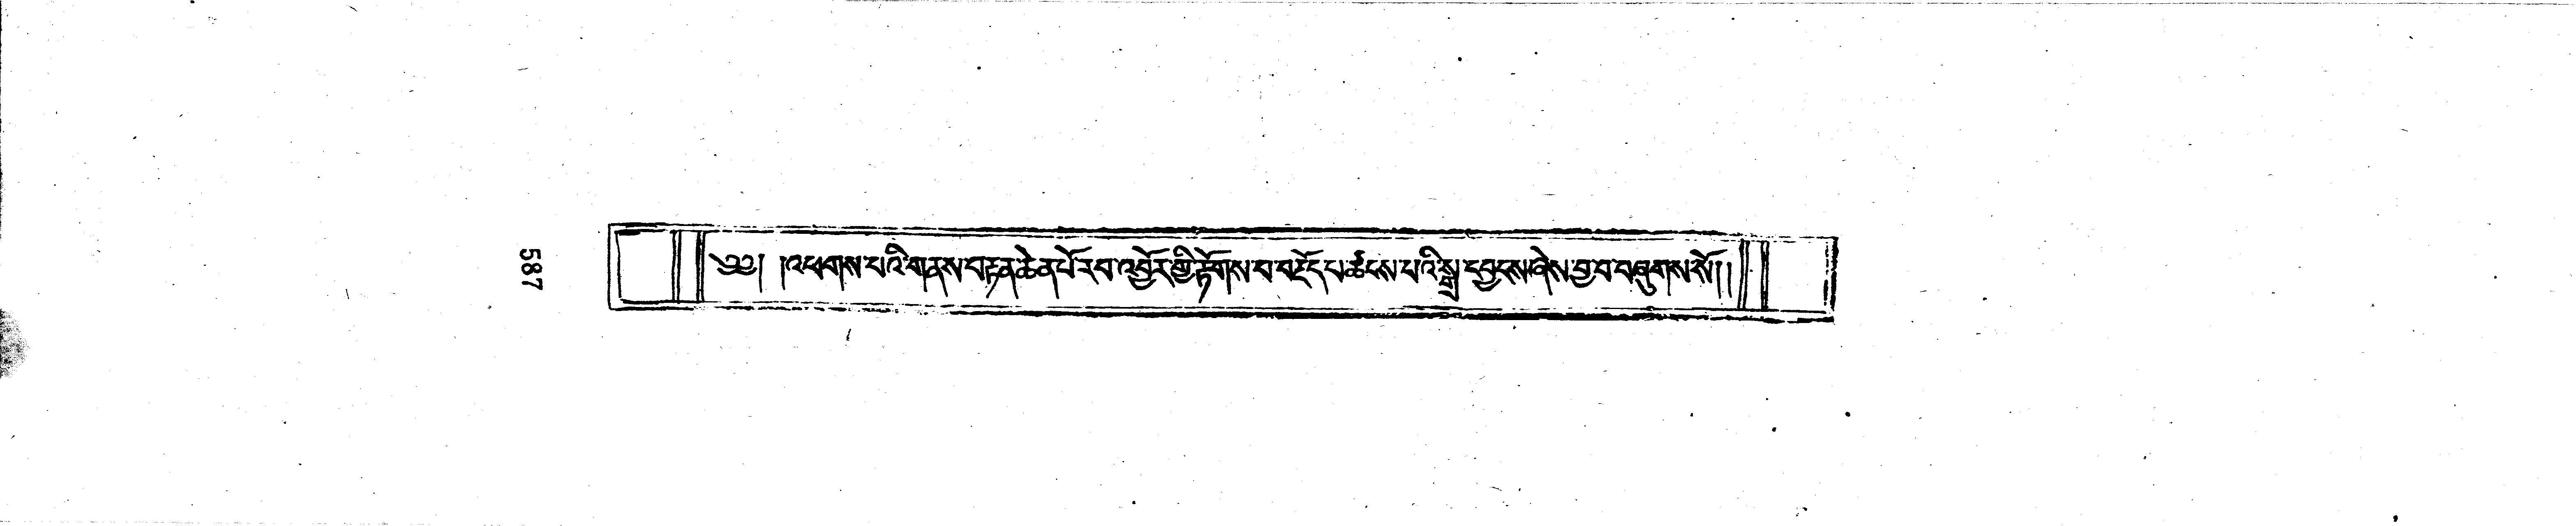༄༅། །འཕགས་པའི་གནས་བརྟན་ཆེན་པོ་རབ་འབྱོར་གྱི་རྟོགས་པ་བརྗོད་པ་ཚངས་པའི་སྒྲ་དབྱངས་ཞེས་བྱ་བ་བཞུགས་སོ། །